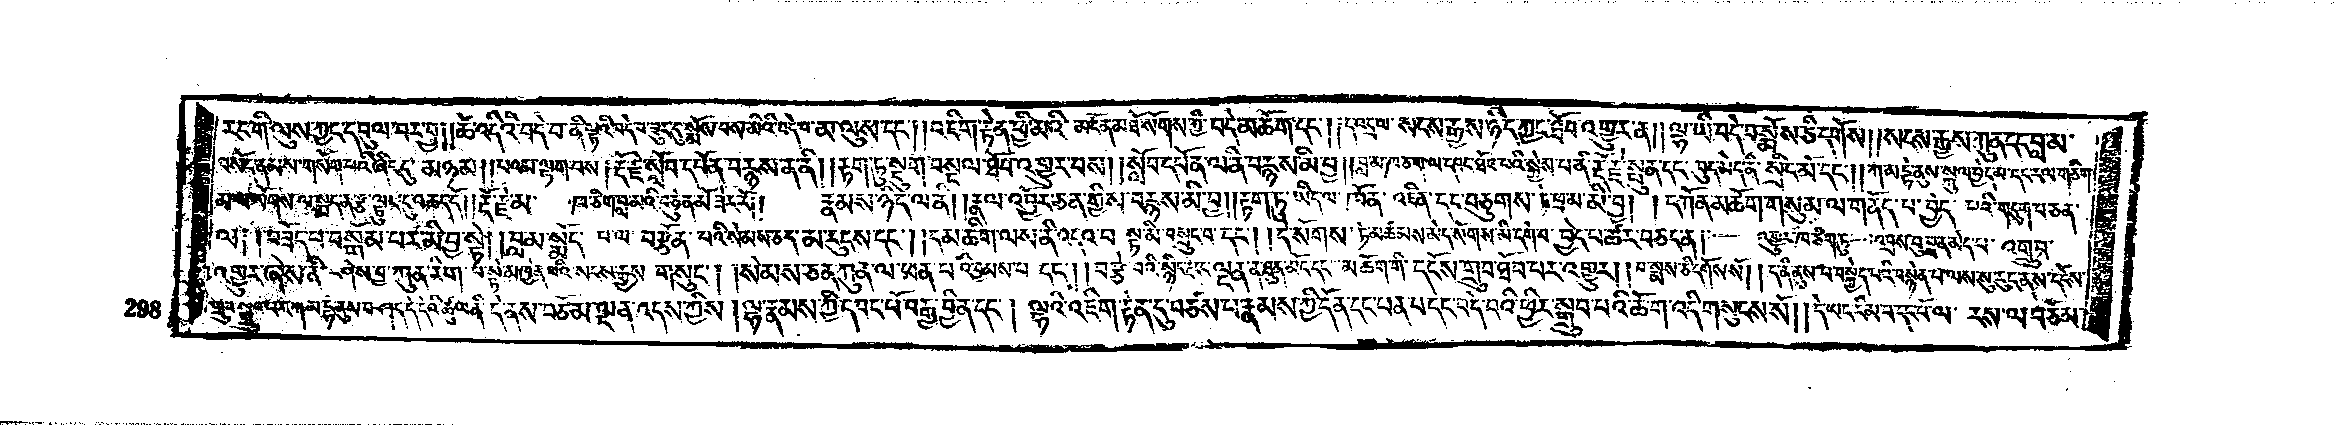རང་གི་ལུས་ཀྱང་དབུལ་བར་བྱ། །ཚེ་འདིའི་བདེ་བ་ནི་ལྷའི་བདེ་བ་ཟུར་དུ་སྨོས་པས་མིའི་བདེ་བ་མ་ལུས་དང་། །འཇིག་རྟེན་ཕྱི་མའི་མངོན་མཐོ་སོགས་ཀྱི་བདེ་མཆོག་དང་། ། དེ་འདྲ་ལ་སངས་རྒྱས་ཉིད་ཀྱང་ཐོབ་འགྱུར་ན། །ལྷ་ཡི་བདེ་བ་སྨོས་ཅི་དགོས། །སངས་རྒྱས་ཀུན་དང་བླ་མ་
བསོད་ནམས་གསོག་པའི་ཞིང་དུ་མཉམ། །པའམ་ལྷག་པས། རྡོ་རྗེ་སློབ་དཔོན་བརྙས་ན་ནི། །རྟག་ཏུ་སྡུག་བསྔལ་ཐོབ་འགྱུར་བས། །སློབ་དཔོན་ལ་ནི་བརྙས་མི་བྱ། །བླ་མ་ཁ་ཅིག་ལ་དབང་ཐོབ་པའི་སྐྱེས་པ་ནི་རྡོ་རྗེ་སྤུན་དང་བུད་མེད་ནི་སྲིང་མོ་དང་། །ཀ་མ་དྷེ་ནུས་སྐུལ་བྱེད་མ་དང་རལ་གཅིག་
མ་ལ་སོགས་ལ་སྨད་ན་རྩ་ལྟུང་དུ་འཆད་དོ། །རྡོ་རྗེ་མ་ཁ་ཅིག་བླ་མའི་བཙུན་མོ་ཟེར་རོ།  །རྣམས་ཉིད་ལ་ནི། །རྣལ་འབྱོར་ཅན་གྱིས་བརྙས་མི་བྱ། །རྟག་ཏུ་ཡིད་ལ་ཁོ་ན་འཛིན་དང་བཅུགས་ཏེ་ཕྲ་མ་མི་བྱ། །དཀོན་མཆོག་གསུམ་ལ་གནོད་པ་བྱེད་པའི་གདུག་པ་ཅན
ལ། །བཟོད་པ་བསྒོམ་པར་མི་བྱ་སྟེ། །བླ་མ་སྨོད་པ་ལ་བརྩོན་པའི་སེམས་ཅན་མ་རུངས་དང་། །དམ་ཚིག་ལས་ནི་འདའ་བ་སྟ་མི་བསྲུང་བ་དང་། །དེ་སོགས་ཏེ་མཚམས་མེད་སོགས་མི་དགེ་བ་བྱེད་པ་ཚར་བཅད་ན། འགྱུར་ཁ་ཅིག་ཏུ་འབྲས་བུ་བླ་ན་མེད་པ་འགྲུབ་
འགྱུར་ཞེས་ནི་ཤེས་བྱ་ཀུན་རིག་པ་སྟེ་མཁྱེན་པའི་སངས་རྒྱས་གསུང་། །སེམས་ཅན་ཀུན་ལ་ཕན་པའི་བྱམས་པ་དང་། །བརྩེ་བའི་སྙིང་རྗེ་དང་ལྡན་ན་ཐུན་མོང་དང་མཆོག་གི་དངོས་གྲུབ་ཐོབ་པར་འགྱུར། །བ་སྨས་ཅི་དགོས་སོ། །ད་ནི་ནུས་པ་བསྐྱེད་པའི་བསྙེན་པ་ལས་སུ་རུང་ནས་དངོས་
གྲུབ་སྒྲུབ་པར་ཀ་མ་དྷི་ནུས་བཤད་དེ་དེའི་ཚུལ་ནི་དེ་ནས་བཅོམ་ལྡན་འདས་ཀྱིས། ལྷ་རྣམས་ཀྱི་དབང་པོ་བརྒྱ་བྱིན་དང་། ལྷའི་འཇིག་རྟེན་དུ་བཙས་པ་རྣམས་ཀྱི་དོན་དང་ཕན་པ་དང་བདེ་བའི་ཕྱིར་སྒྲུབ་པའི་ཆོ་ག་འདི་གསུངས་སོ། །དེ་ཡང་རིམ་པ་དང་པོ་ལ་རས་ལ་བཅོམ་